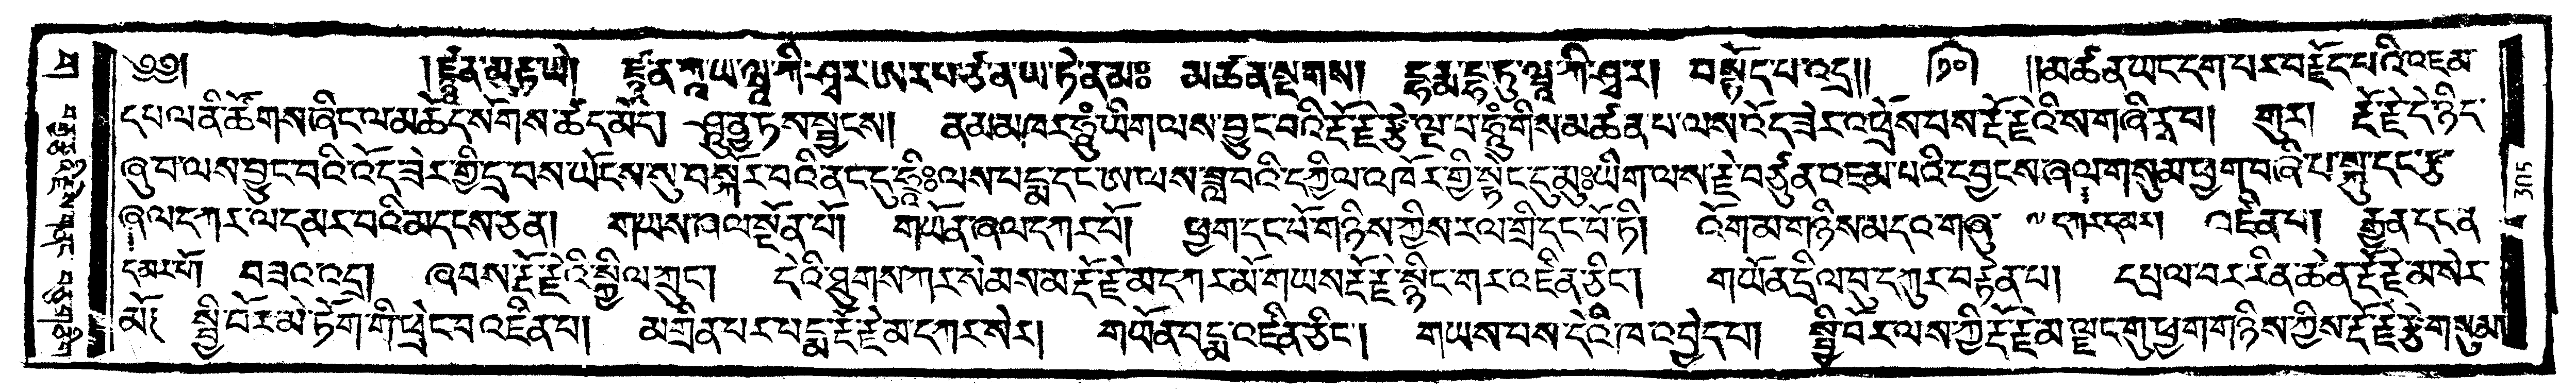༄༅། །ཛྙཱན་མུརྟ་ཡེ། ཛྙཱ་ན་ཀཱ་ཡ་ཝཱ་ཀི་ཤྭར་ཨ་ར་པ་ཙ་ན་ཡ་ཏེ་ན་མཿ མཚན་སྔགས། དྷརྨ་དྷ་ཏུ་ཝཱ་ཀི་ཤྭ་ར། བསྟོད་པ་འདྲ།། ༡༠?་།།མཚན་ཡང་དག་པར་བརྗོད་པའི་འཇམ་
དཔལ་ནི་ཚོགས་ཞིང་ལ་མཆོད་སོགས་ཚད་མོད། ཤཱུ་ནྱ་ཏས་སྦྱངས། ནམ་མཁར་ཧཱུཾ་ཡིག་ལས་བྱུང་བའི་རྡོ་རྗེ་རྩེ་ལྔ་པ་ཧཱུཾ་གིས་མཚན་པ་ལས་འོད་ཟེར་འཕྲོས་པས་རྡོ་རྗེའི་ས་གཞི་རྭ་བ། གུར། རྡོ་རྗེ་དེ་ཉིད་
ཞུ་བ་ལས་བྱུང་བའི་འོད་ཟེར་གྱི་དྲ་བས་ཡོངས་སུ་བསྐོར་བའི་ནང་དུ་ཧྲཱིཿལས་པདམ་དང་ཨ་ལས་ཟླ་བའི་དཀྱིལ་འཁོར་གྱི་སྟེང་དུ་མུཿཡིག་ལས་རྗེ་བཙུན་འཇམ་པའི་དབྱངས་ཞལ་གསུམ་ཕྱག་བཞི་པ་སྐུ་དང་རྩ་
ཞལ་དཀར་ལ་དམར་བའི་མདངས་ཅན། གཡས་ཞལ་སྔོན་པོ། གཡོན་ཞལ་དཀར་པོ། ཕྱག་དང་པོ་གཉིས་ཀྱིས་རལ་གྲི་དང་པོ་ཏི། འོག་མ་གཉིས་མདའ་གཞུ་༧་དཀར་དམར། འཛིན་པ། རྒྱན་དང་ན་
དམར་པོ། བཟའ་འདྲ། ཞབས་རྡོ་རྗེའི་སྐྱིལ་ཀྲུང་། དེའི་ཐུགས་ཀར་སེམས་མ་རྡོ་རྗེ་མ་དཀར་མོ་གཡས་རྡོ་རྗེ་སྙིང་གར་འཛིན་ཅིང་། གཡོན་དྲིལ་བུ་དཀུར་བརྟེན་པ། དཔྲལ་བར་རིན་ཆེན་རྡོ་རྗེ་མ་སེར་
མོ༑ སྤྱི་བོར་མེ་ཏོག་གི་ཕྲེང་བ་འཛིན་པ། མགྲིན་པར་པདམ་རྡོ་རྗེ་མ་དཀར་སེར། གཡོན་པདམ་འཛིན་ཅིང་། གཡས་པས་དེའི་ཁ་འབྱེད་པ། སྤྱི་བོར་ལས་ཀྱི་རྡོ་རྗེ་མ་ལྗང་གུ་ཕྱག་གཉིས་ཀྱིས་རྡོ་རྗེ་རྩེ་གསུམ་